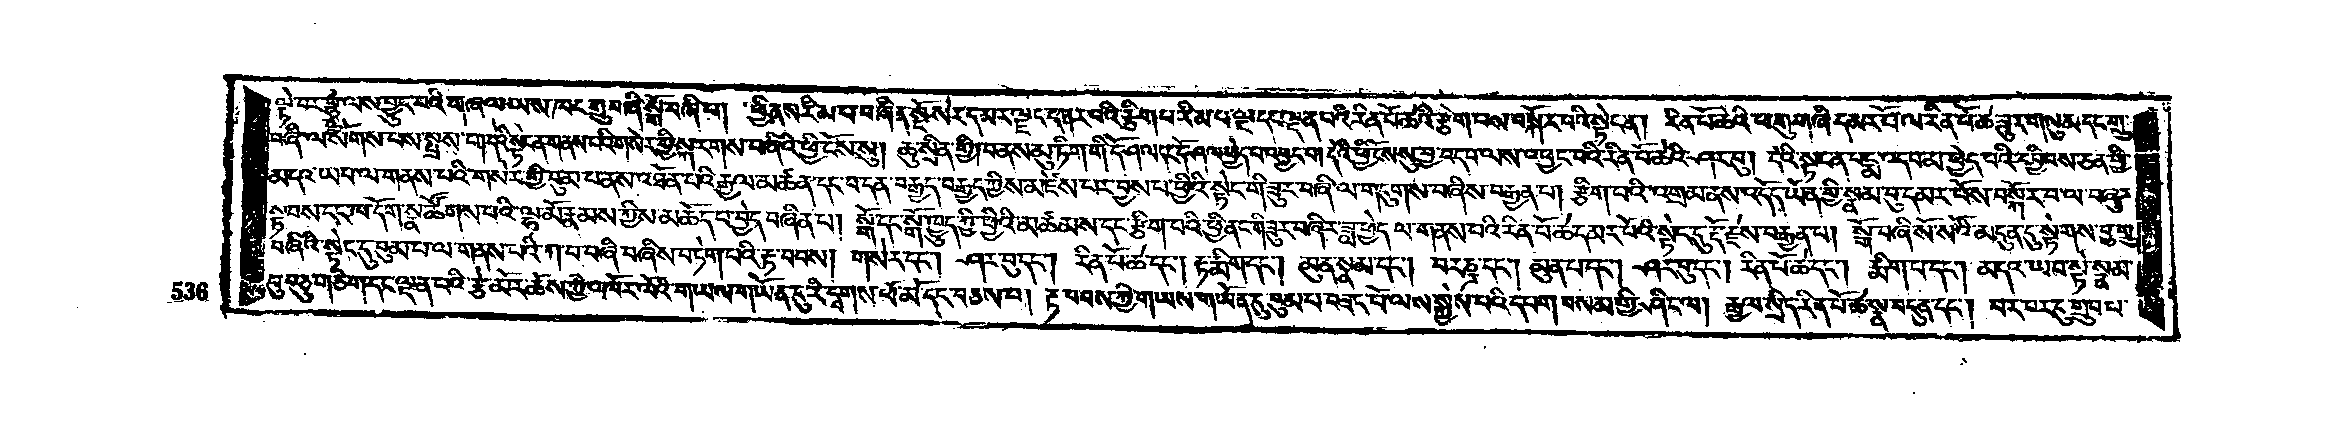ལྟེ་བར་བྷཱུཾ་ལས་བྱུང་བའི་གཞལ་ཡས་ཁང་གྲུ་བཞི་སྒོ་བཞི་པ། ཕྱི་ནས་རིམ་པ་བཞིན་སྔོ་སེར་དམར་ལྗང་དཀར་བའི་རྩིག་པ་རིམ་པ་ལྔ་དང་ལྡན་པའི་རིན་པོ་ཆེའི་རྩིག་པས་བསྐོར་བའི་སྟེང་ན། རིན་པོ་ཆེའི་ཕ་གུ་གཞི་དམར་པོ་ལ་རིན་པོ་ཆེ་ཟུར་གསུམ་དང་གྲུ་
བཞི་ལ་སོགས་པས་སྤྲས་པ། དེའི་སྟེང་ན་གནས་པའི་གསེར་གྱི་སྐ་རགས་བཞིའི་ཕྱི་ངོས་སུ། ཆུ་སྲིན་གྱི་ཁ་ནས་མུ་ཏིག་གི་དོ་ཤལ་དང་དོ་ཤལ་ཕྱེད་པ་འཕྱང་བ། དེའི་ཕྱི་ངོས་སུ་བྱ་འདབ་ལས་འཕྱང་བའི་རིན་པོ་ཆེའི་ཤར་བུ། དེའི་སྟེང་ན་པདམ་འདབ་མ་ཕྱེད་པའི་དབྱིབས་ཅན་གྱི་
མདའ་ཡབ་ལ་གནས་པའི་གསེར་གྱི་བུམ་པ་ནས་འཐོན་པའི་རྒྱལ་མཚན་དང་བ་དན་བརྒྱད་བརྒྱད་ཀྱིས་མཛེས་པར་བྱས་པ་ཕྱིའི་སྟེང་གི་ཟུར་བཞི་ལ་གདུགས་བཞིས་བརྒྱན་པ། རྩིག་པའི་འགྲམ་ནས་འདོད་ཡོན་གྱི་སྣམ་བུ་དམར་པོས་བསྐོར་བ་ལ་བཞུགས་
སྟབས་དང་ཁ་དོག་སྣ་ཚོགས་པའི་ལྷ་མོ་རྣམས་ཀྱིས་མཆོད་པ་བྱེད་བཞིན་པ། སྒོ་དང་སྒོ་ཁྱུད་ཀྱི་ཕྱིའི་མཚམས་དང་རྩིག་པའི་ཕྱི་ནང་གི་ཟུར་བཞིར་ཟླ་ཕྱེད་ལ་གནས་པའི་རིན་པོ་ཆེ་དམར་པོའི་སྟེང་དུ་རྡོ་རྗེས་བརྒྱན་པ། སྒོ་བཞི་སོ་སོའི་མདུན་དུ་སྟེགས་བུ་གྲུ་
བཞིའི་སྟང་དུ་བུམ་པ་ལ་གནས་པའི་ཀ་བ་བཞི་བཞིས་བཏེག་པའི་རྟ་བབས། གསེར་དང་། ཤར་བུ་དང་། རིན་པོ་ཆེ་དང་། རྟ་རྨིག་དང་། མུན་སྣམ་པ་དང་། བར་ཎད་དང་། མུན་པ་དང་། ཤར་བུ་དང་། རི་པོ་ཆེ་དང་། རྨིག་པ་དང་། མདའ་ཡབ་སྟེ་སྣམ་
བུ་བཅུ་གཅིག་དང་ལྡན་པའི་རྩེ་མོར་ཆོས་ཀྱི་འཁོར་ལོའི་གཡས་གཡོན་དུ་རི་དྭགས་ཕ་མོ་དང་བཅས་པ། རྟ་བས་ཀྱི་གཡས་གཡོན་དུ་བུམ་པ་བཟང་པོ་ལས་སྐྱེས་པའི་དཔག་བསམ་གྱི་ཤིང་ལ། རྒྱལ་སྲིད་རིན་པོ་ཆེ་སྣ་བདུན་དང་། བར་བར་དུ་གྲུབ་པ་